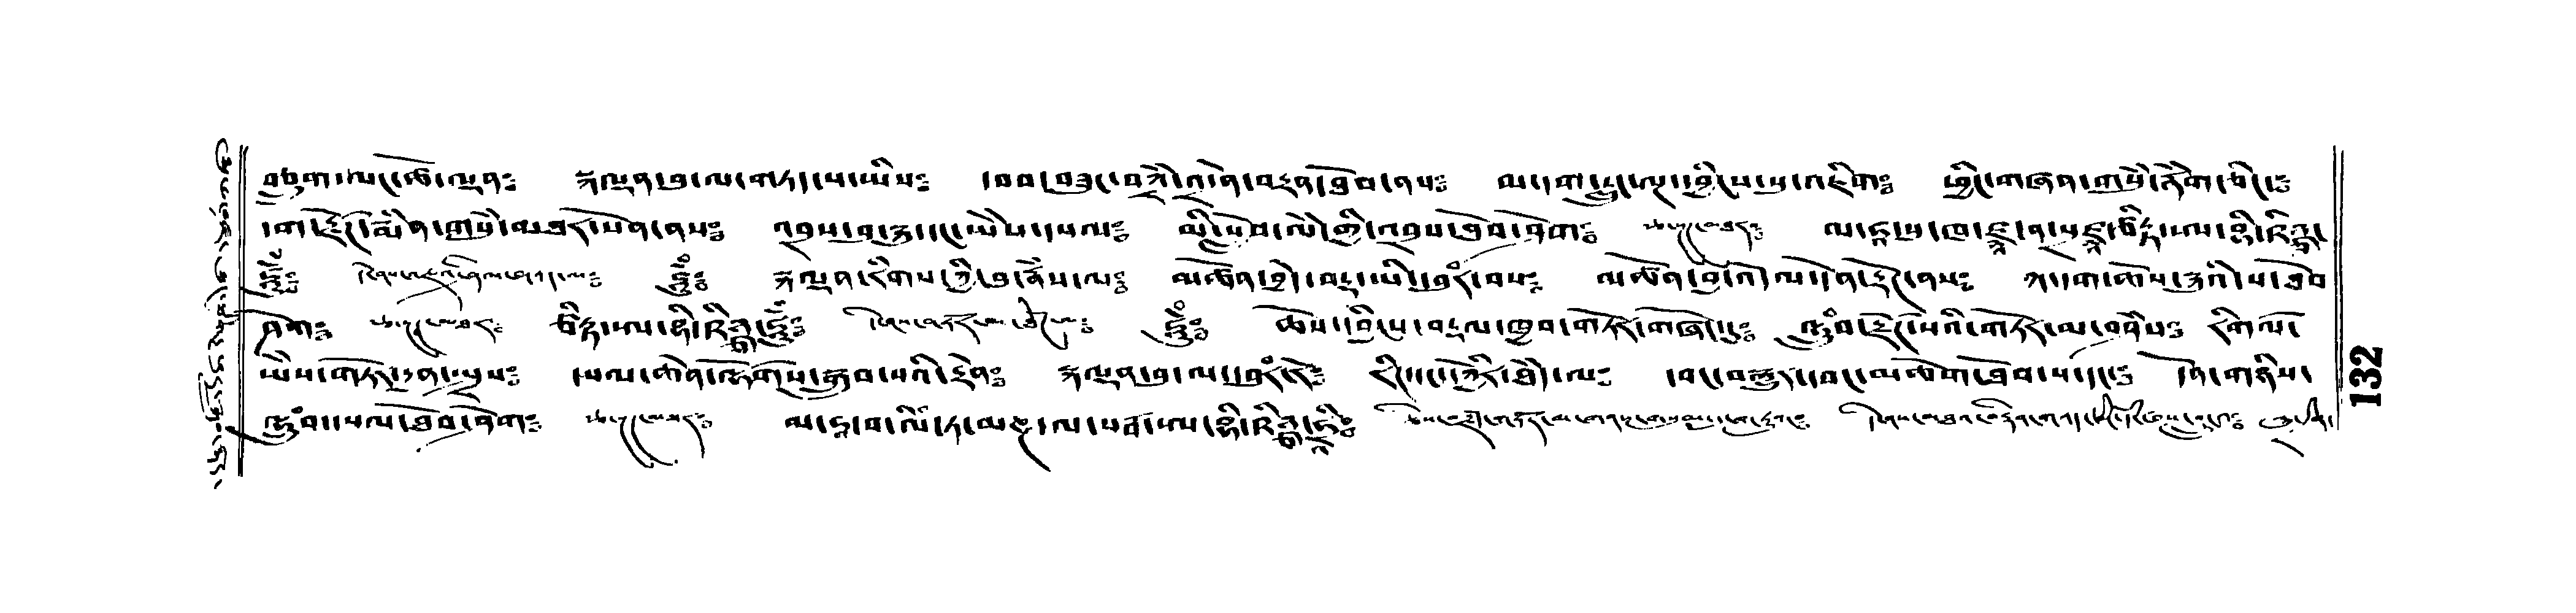བཅུ་དྲུག་ལང་ཚོ་ལྡན༔ སྐལ་ལྡན་བུ་ལ་གཏད་པ་ཡིས༔ དབབ་བཟུང་བཀྲམ་འདྲེན་བརྟན་ཐོབ་ནས༔ མ་དག་རླུང་ལྔ་དབྱིངས་སུ་འཇིག༔ ཕྱི་ནང་གཞན་གསུམ་རྣམ་དག་ཅིང༔ 
དག་རྫོགས་སྨིན་གསུམ་མཐར་སོན་ནས༔ འབྲས་བུ་སྐུ་དང་ཡེ་ཤེས་དཔལ༔ མི་སློབ་ལམ་གྱི་འབྲས་ཐོབ་ཤོག༔ རྩ་སྔགས་མཐར༔ མ་ཧཱ་སུ་ཁ་ཛྙཱ་ན་པྲཛྙཱ་ཙིཏྟ་ཨ་བྷི་རི་ཉྩ་
ཧཱུྃ༔ དེ་ནས་འཇའ་ཤེལ་གཏད་ལ༔ ཧཱུྃ༔ སྐལ་ལྡན་རིགས་ཀྱི་བུ་རྣམས་ལ༔ མཚོན་བྱེད་བརྡ་ཡི་དབང་བསྐུར་བས༔ མཚོན་བྱ་འོད་གསལ་དོན་རྟོགས་ནས༔ ཀ་དག་ཆོས་སྐུའི་ས་ཐོབ་
ཤོག༔ རྩ་སྔགས་མཐར༔ ཙིཏྟ་ཨ་བྷི་རིཉྩ་ཧཱུྃ༔ དེ་ནས་གཏོར་མ་ཐོགས་ལ༔ ཧཱུྃ༔ ཆོས་དབྱིངས་བརྡལ་ཁྱབ་གཏོར་གཞོང་དུ༔ ལྷུན་གྲུབ་རྫོགས་པའི་གཏོར་མ་བཤམས༔ རིག་རྩལ་
ཡེ་ཤེས་གཏོར་རྒྱན་སྤྲས༔ དཔལ་ཆེན་ལྷ་ཚོགས་སྒྲུབ་པའི་རྟེན༔ སྐལ་ལྡན་བུ་ལ་དབང་བསྐུར་རོ༔ རིགས་དང་དཀྱིལ་འཁོར་ཐམས་ཅད་ལ༔ དབང་བསྒྱུར་དབང་མཆོག་ཐོབ་པ་དང༔ དོན་གཉིས་
ལྷུན་གྲུབ་དཔལ་ཐོབ་ཤོག༔ རྩ་སྔགས་མཐར༔ མ་ཧཱ་བྷ་ལིཾ་ཏ་མཎྜ་ལ་སརྦ་ཨ་བྷི་རིཉྩ་ཧྲཱིཿ ཅེས་བརྗོད་གཏོར་མ་གནས་གསུམ་དུ་གཏུག༔ དེ་ནས་མཐའ་བརྟེན་གཏད་ཅིང་དམ་ཁས་བླངས༔ སྐུ་དྲིན་